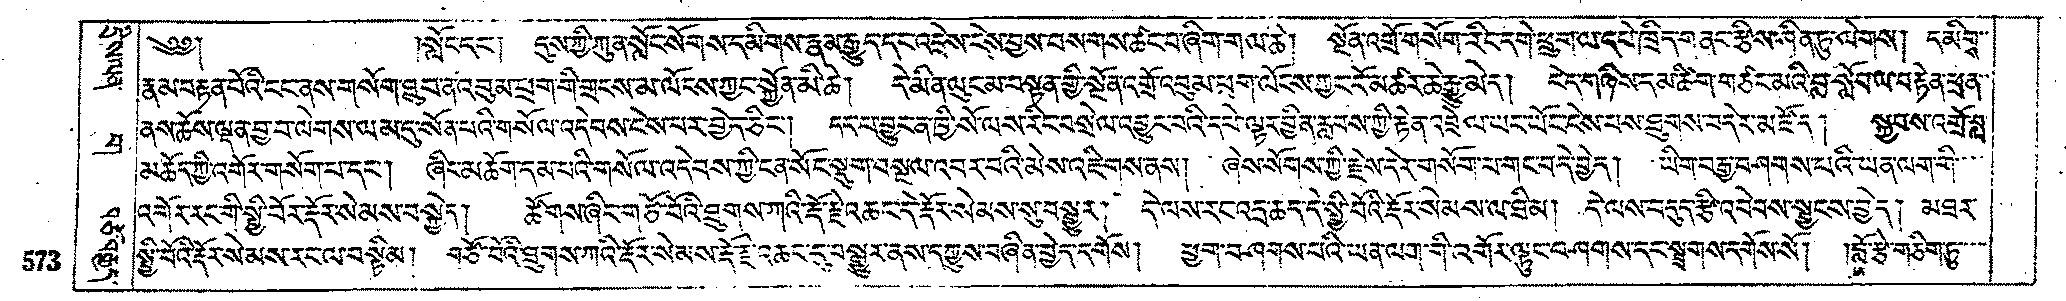༄༅། །སློང་དང་། དུས་ཀྱི་ཀུན་སློང་སོགས་དམིགས་རྣམ་རྒྱུད་དང་འདྲེས་ངེས་བྱས་བསགས་ཚང་བ་ཞིག་གལ་ཆེ། སྔོན་འགྲོ་གསོག་རིང་དགེ་ཕྲུག་ལ་དཔེ་ཁྲིད་གནང་རྩིས་ཤིན་ཏུ་ལེགས། དམིགས་་་
རྣམ་བརྟན་པོའི་ངང་ནས་གསོག་ཐུབ་ན་འབུམ་ཕྲག་གི་གྲངས་མ་ལོངས་ཀྱང་སྐྱོན་མི་ཆེ། དེ་མིན་ལུང་མ་བསྟན་གྱི་སྔོན་འགྲོ་འབུམ་ཕྲག་ལོངས་ཀྱང་ངོ་མཚར་ཆེ་རྒྱུ་མེད། ངེད་གཉིས་དམ་ཚིག་གཙང་མའི་བླ་སློབ་ལ་བརྟེན་ཕྲན་་་
ནས་ཆོས་ལྡན་བྱ་བ་ལེགས་ལམ་དུ་སོན་པའི་གསོལ་འདེབས་ངེས་པར་བྱེད་ཅིང་། དད་པ་བྱུང་ན་ཁྱི་སོ་ལས་རིང་བསྲེལ་འབྱུང་བའི་དཔེ་ལྟར་བྱིན་རླབས་ཀྱི་རྟེན་འབྲེལ་ཡང་ཡོང་ངེས་པས་ཐུགས་བདེར་མཛོད། སྐྱབས་འགྲོ་བླ་
མཆོད་ཀྱི་འགོར་གསོག་པ་དང་། ཞིང་མཆོག་དམ་པའི་གསོལ་འདེབས་ཀྱི་ངན་སོང་སྡུག་བསྔལ་འབར་བའི་མེས་འཇིགས་ནས། ཞེས་སོགས་ཀྱི་རྗེས་དེར་གསོག་པ་གང་བདེ་བྱེད། ཡིག་བརྒྱ་བཤགས་པའི་ཡན་ལག་གི་་་
འགོར་རང་གི་སྤྱི་བོར་རྡོར་སེམས་བསྐྱེད། ཚོགས་ཞིང་གཙོ་བོའི་ཐུགས་ཀའི་རྡོ་རྗེ་འཆང་དེ་རྡོར་སེམས་སུ་བསྒྱུར། དེ་ལས་རང་འདྲ་ཆད་དེ་སྤྱི་བོའི་རྡོར་སེམས་ལ་ཐིམ། དེ་ལས་བདུད་རྩི་འབེབས་སྦྱངས་བྱེད། མཐར་
སྤྱི་བོའི་རྡོར་སེམས་རང་ལ་བསྟིམ། གཙོ་བོའི་ཐུགས་ཀའི་རྡོར་སེམས་རྡོ་རྗེ་འཆང་དུ་བསྒྱུར་ནས་དཀྱུས་བཞིན་བྱེད་དགོས། ཕྱག་བཤགས་པའི་ཡན་ལག་གི་འགོར་ལྟུང་བཤགས་དང་སྦྲགས་དགོས་སོ། །བློ་རྩེ་གཅིག་ཏུ་་་